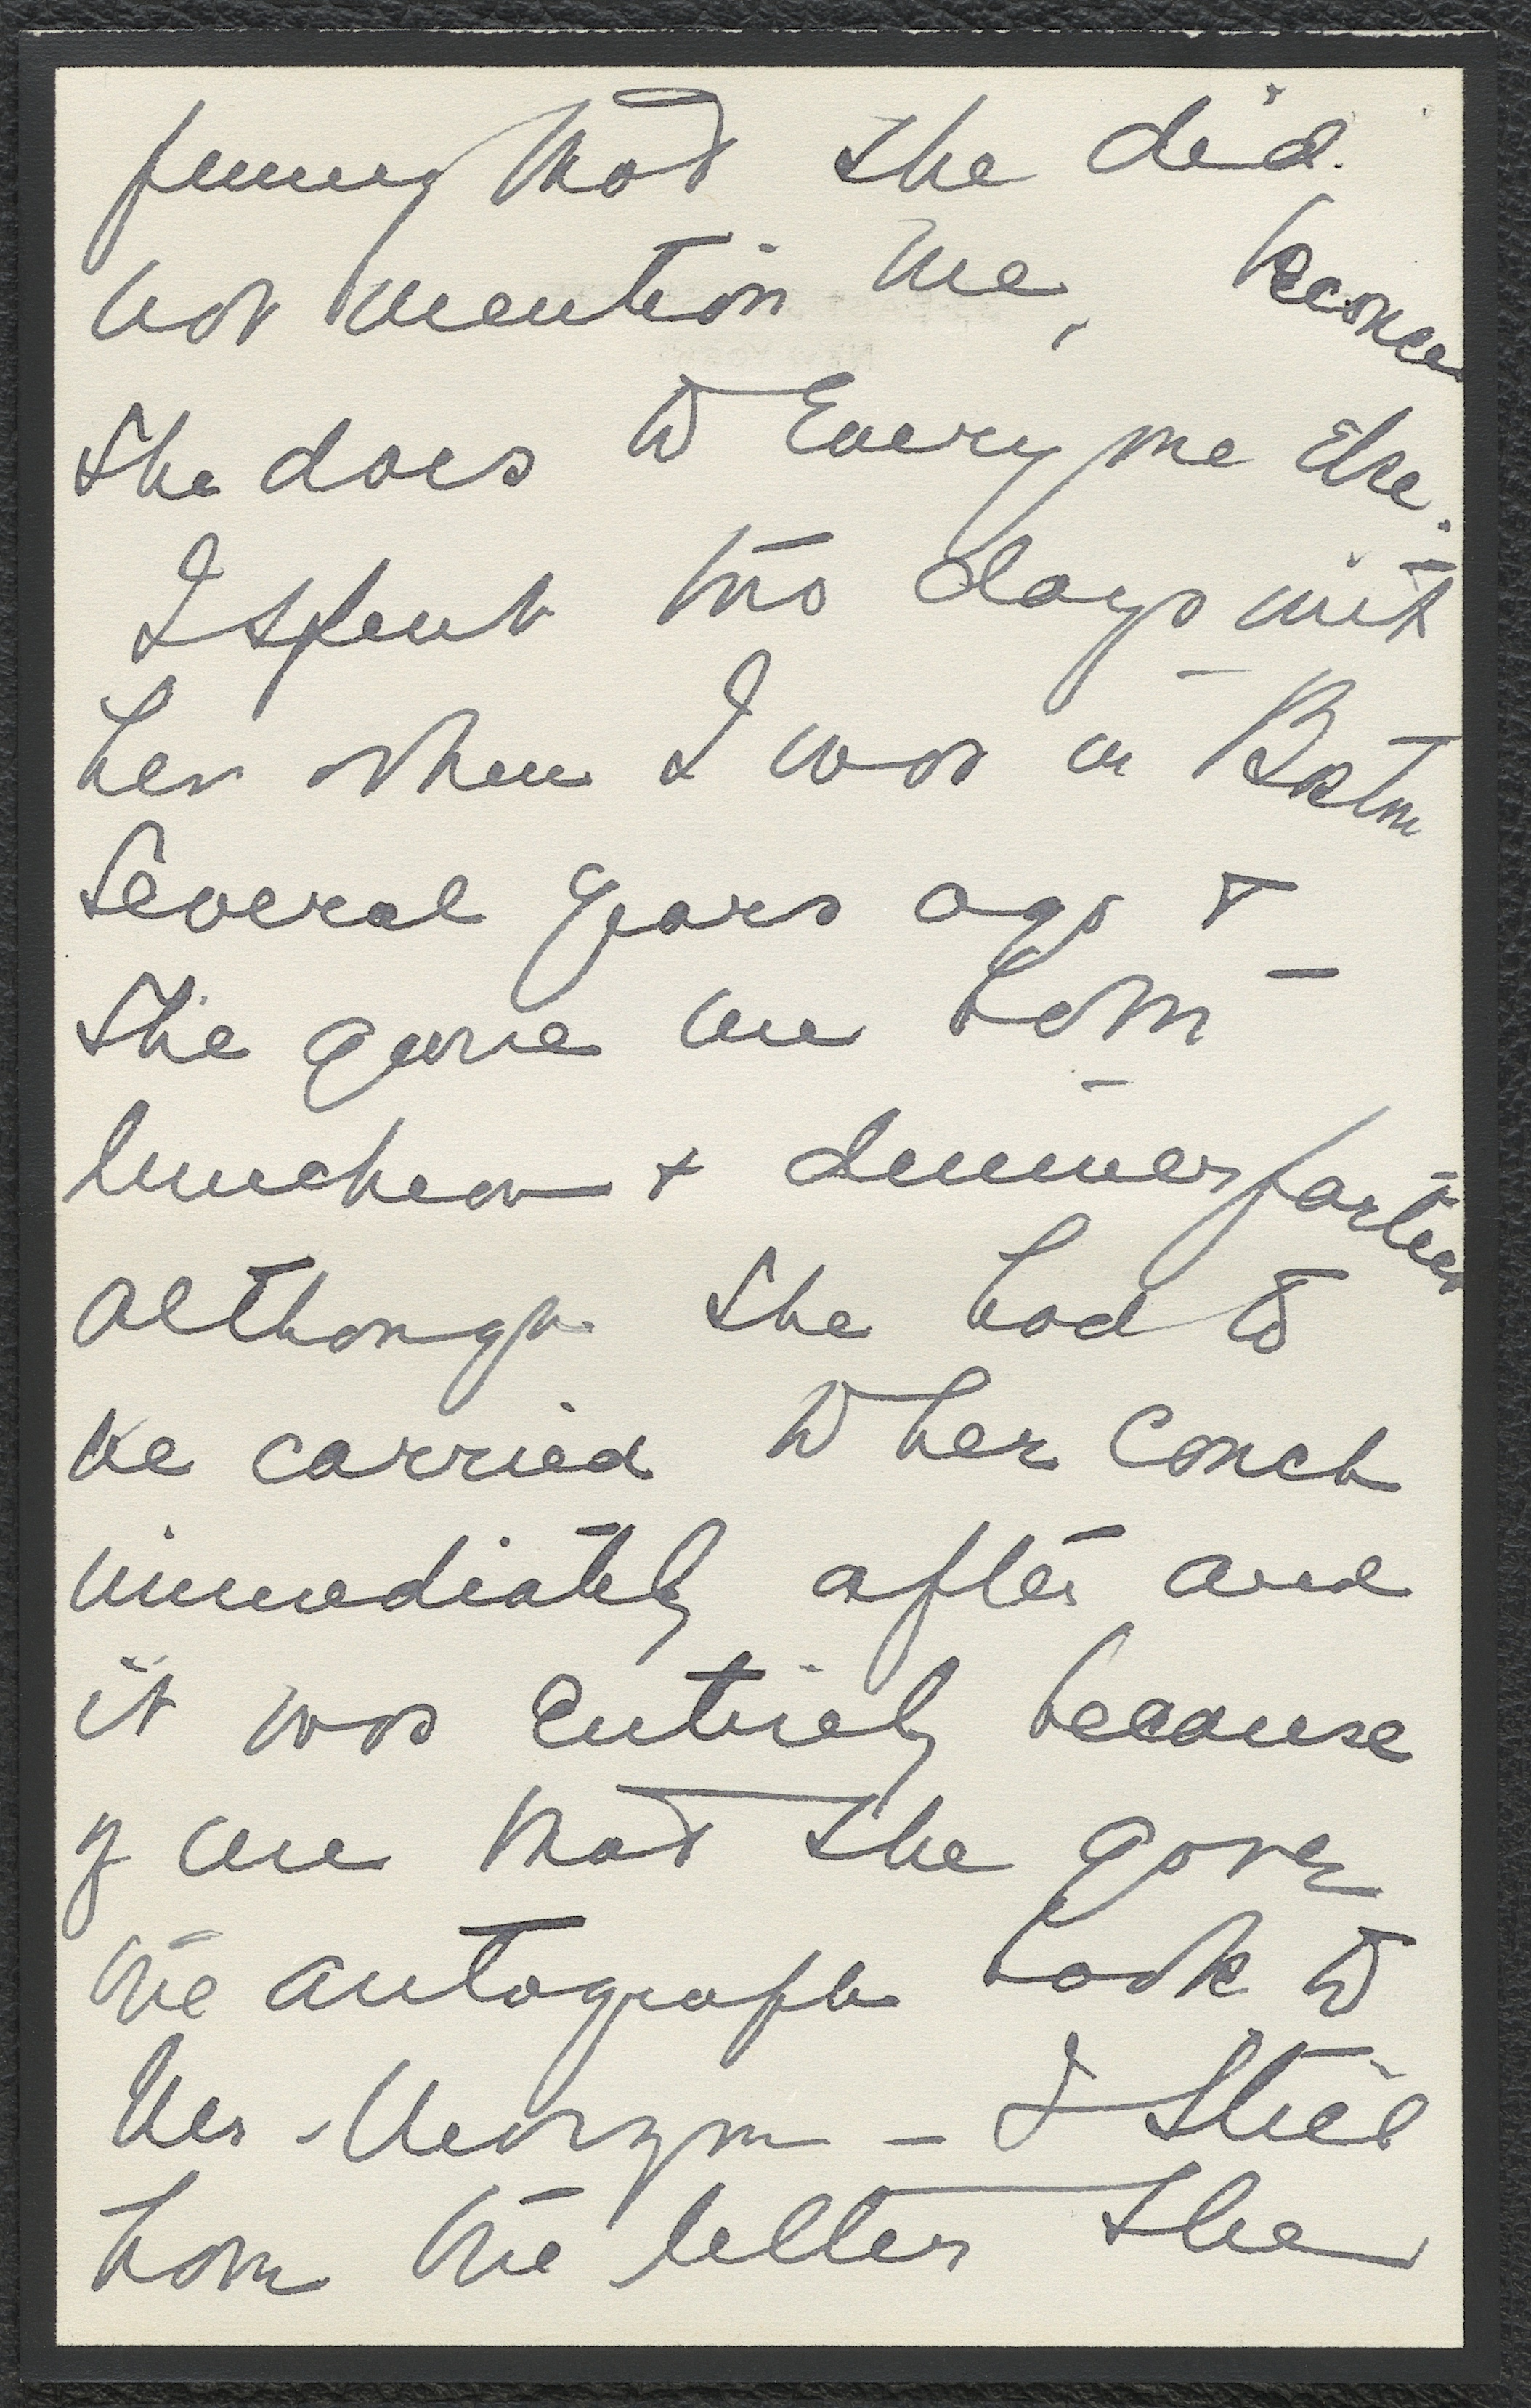funny that she did not mention me, she does to everyone else. I spent two days with her when I was in Boston several years ago & she gave me both luncheon & dinner parties although she had to be carried to her couch immediately after and it was entirely because of me that she gave the autograph book to Mr. Morgan – I still have the letter she